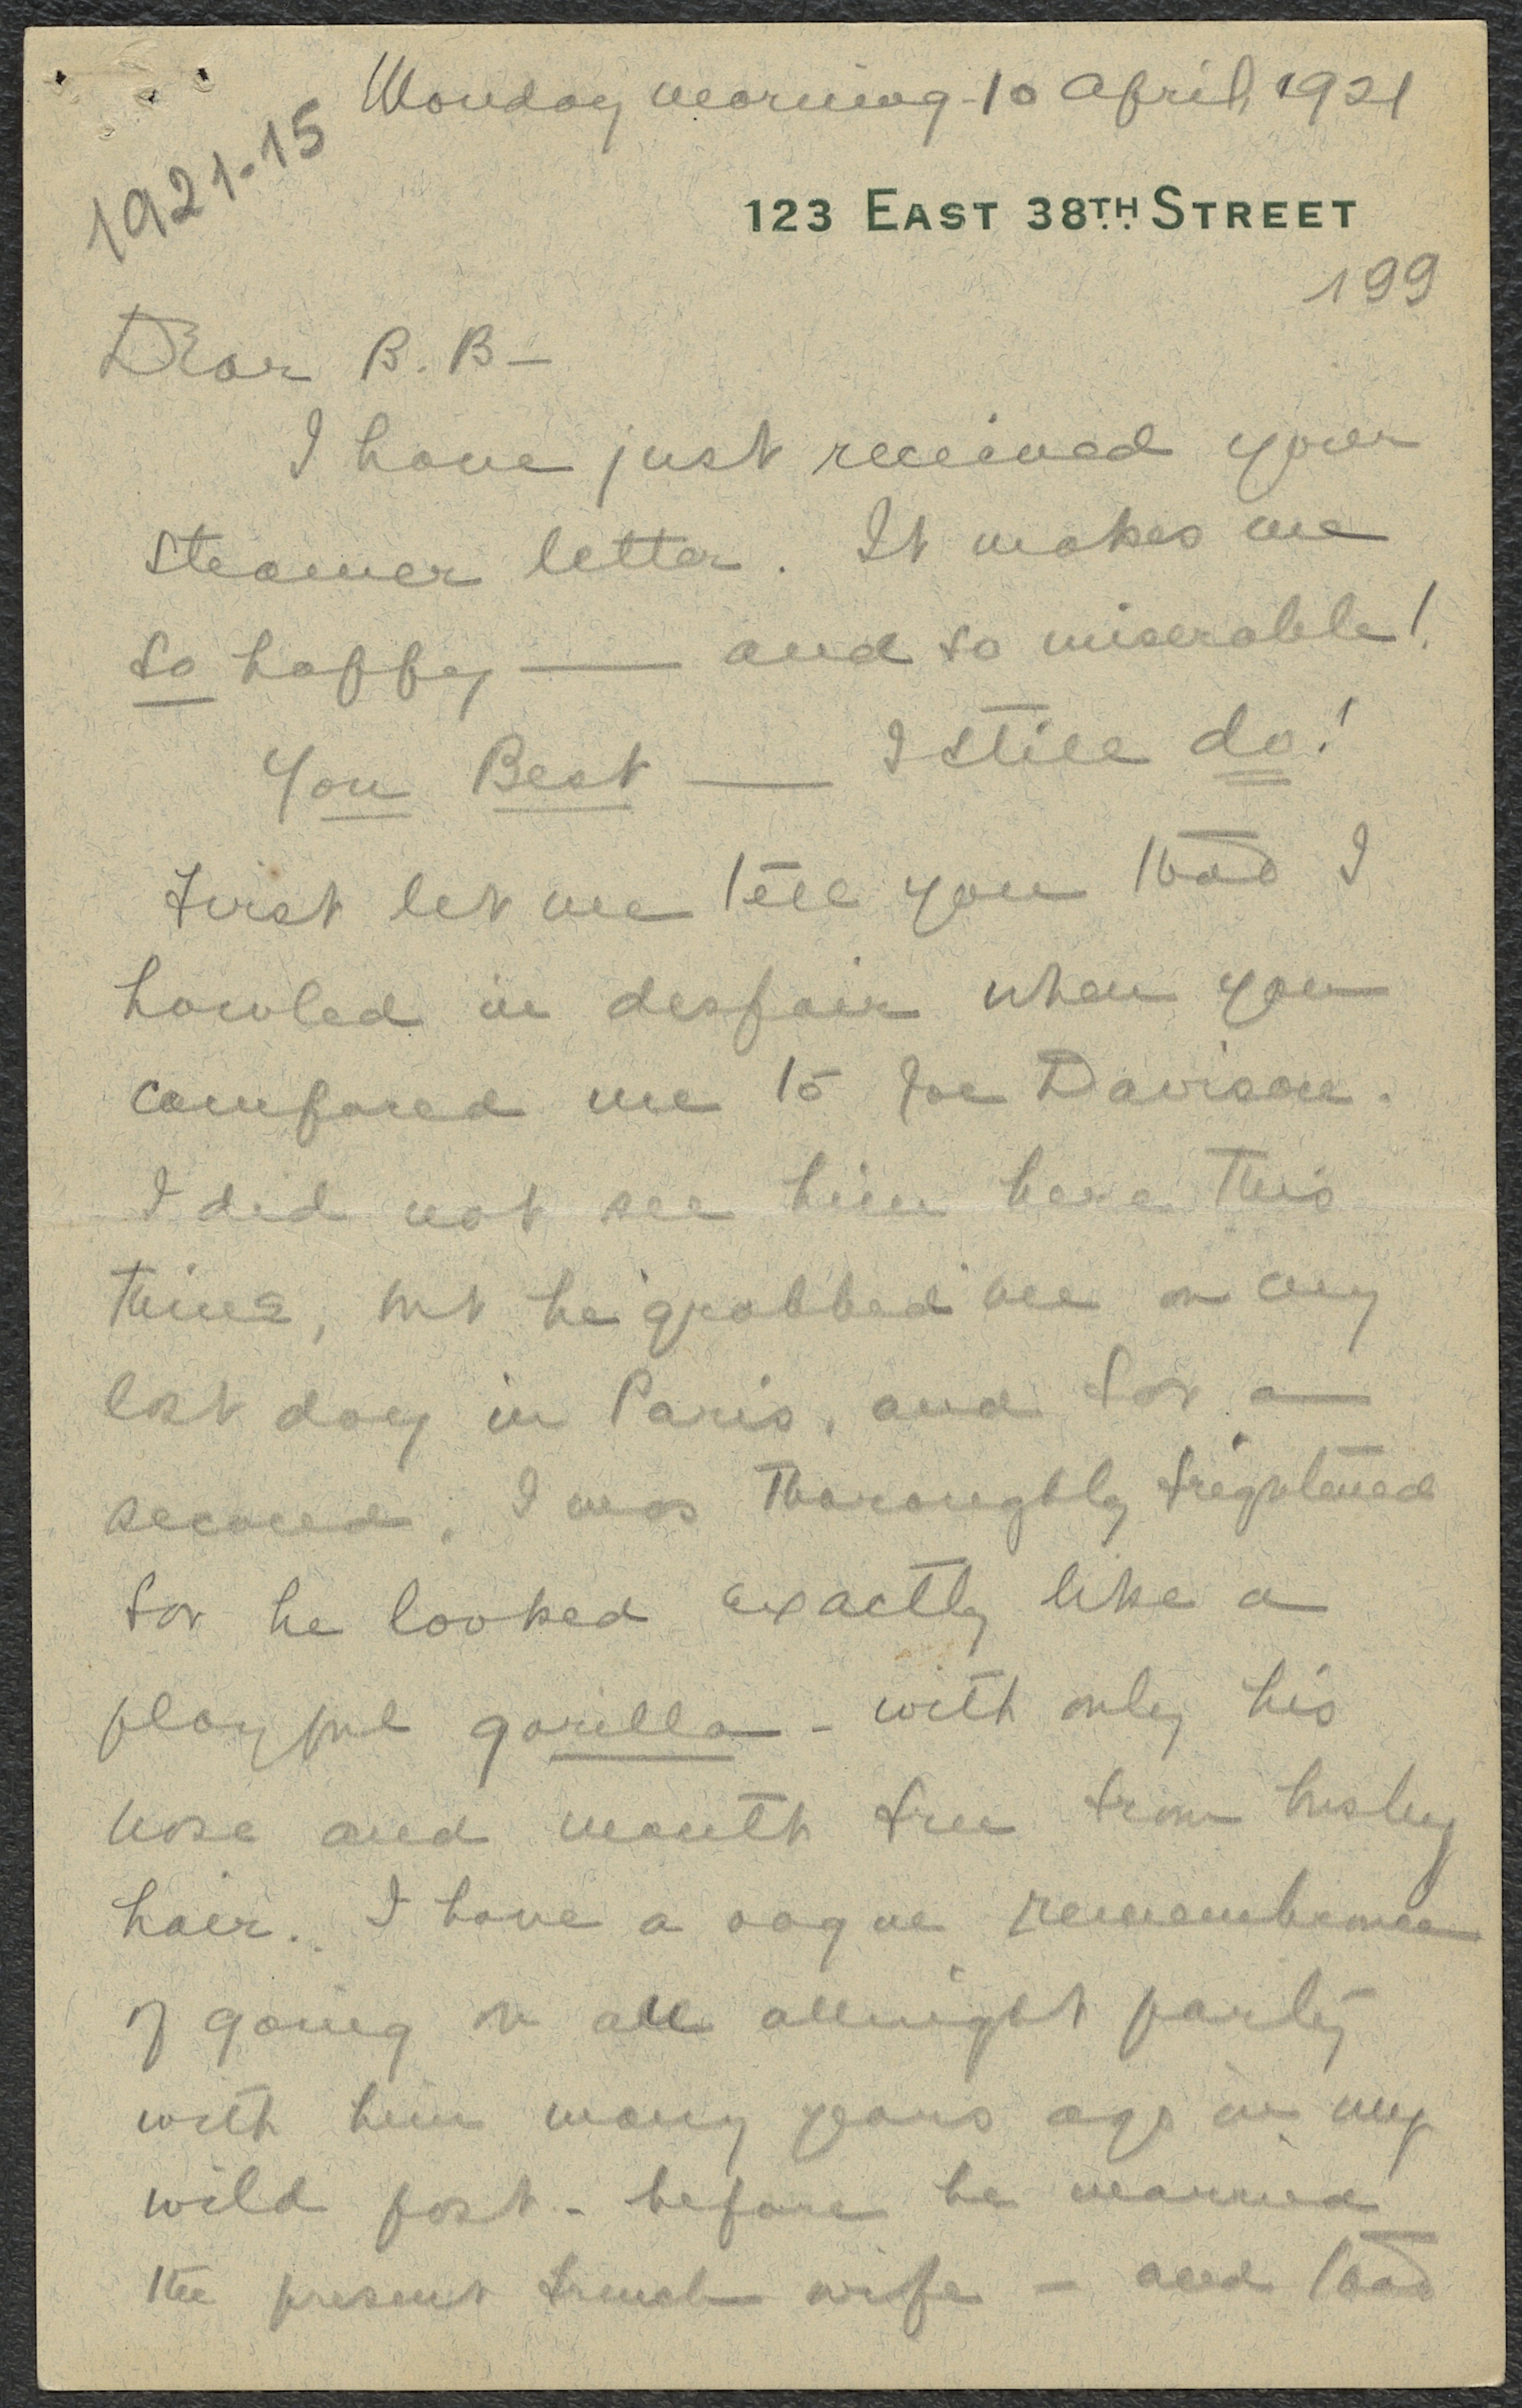[Written in pencil]
Monday morning – 10 April 1921
Dear B. B –
I have just received your steamer letter. It makes me so happy – and so miserable! You Best – I still [double underlined: do]! First let me tell you that I howled in despair when you compared me to Joe Davison [sic]. I did not see him here this time, but he ‘grabbed’ me on my last day in Paris, and for a second, I was thoroughly frightened for he looked exactly like a playful gorilla – with only his nose and mouth free from bushy hair. I have a vague remembrance of going on an allnight party with him many years ago in my wild past – before he married the present french wife – and that